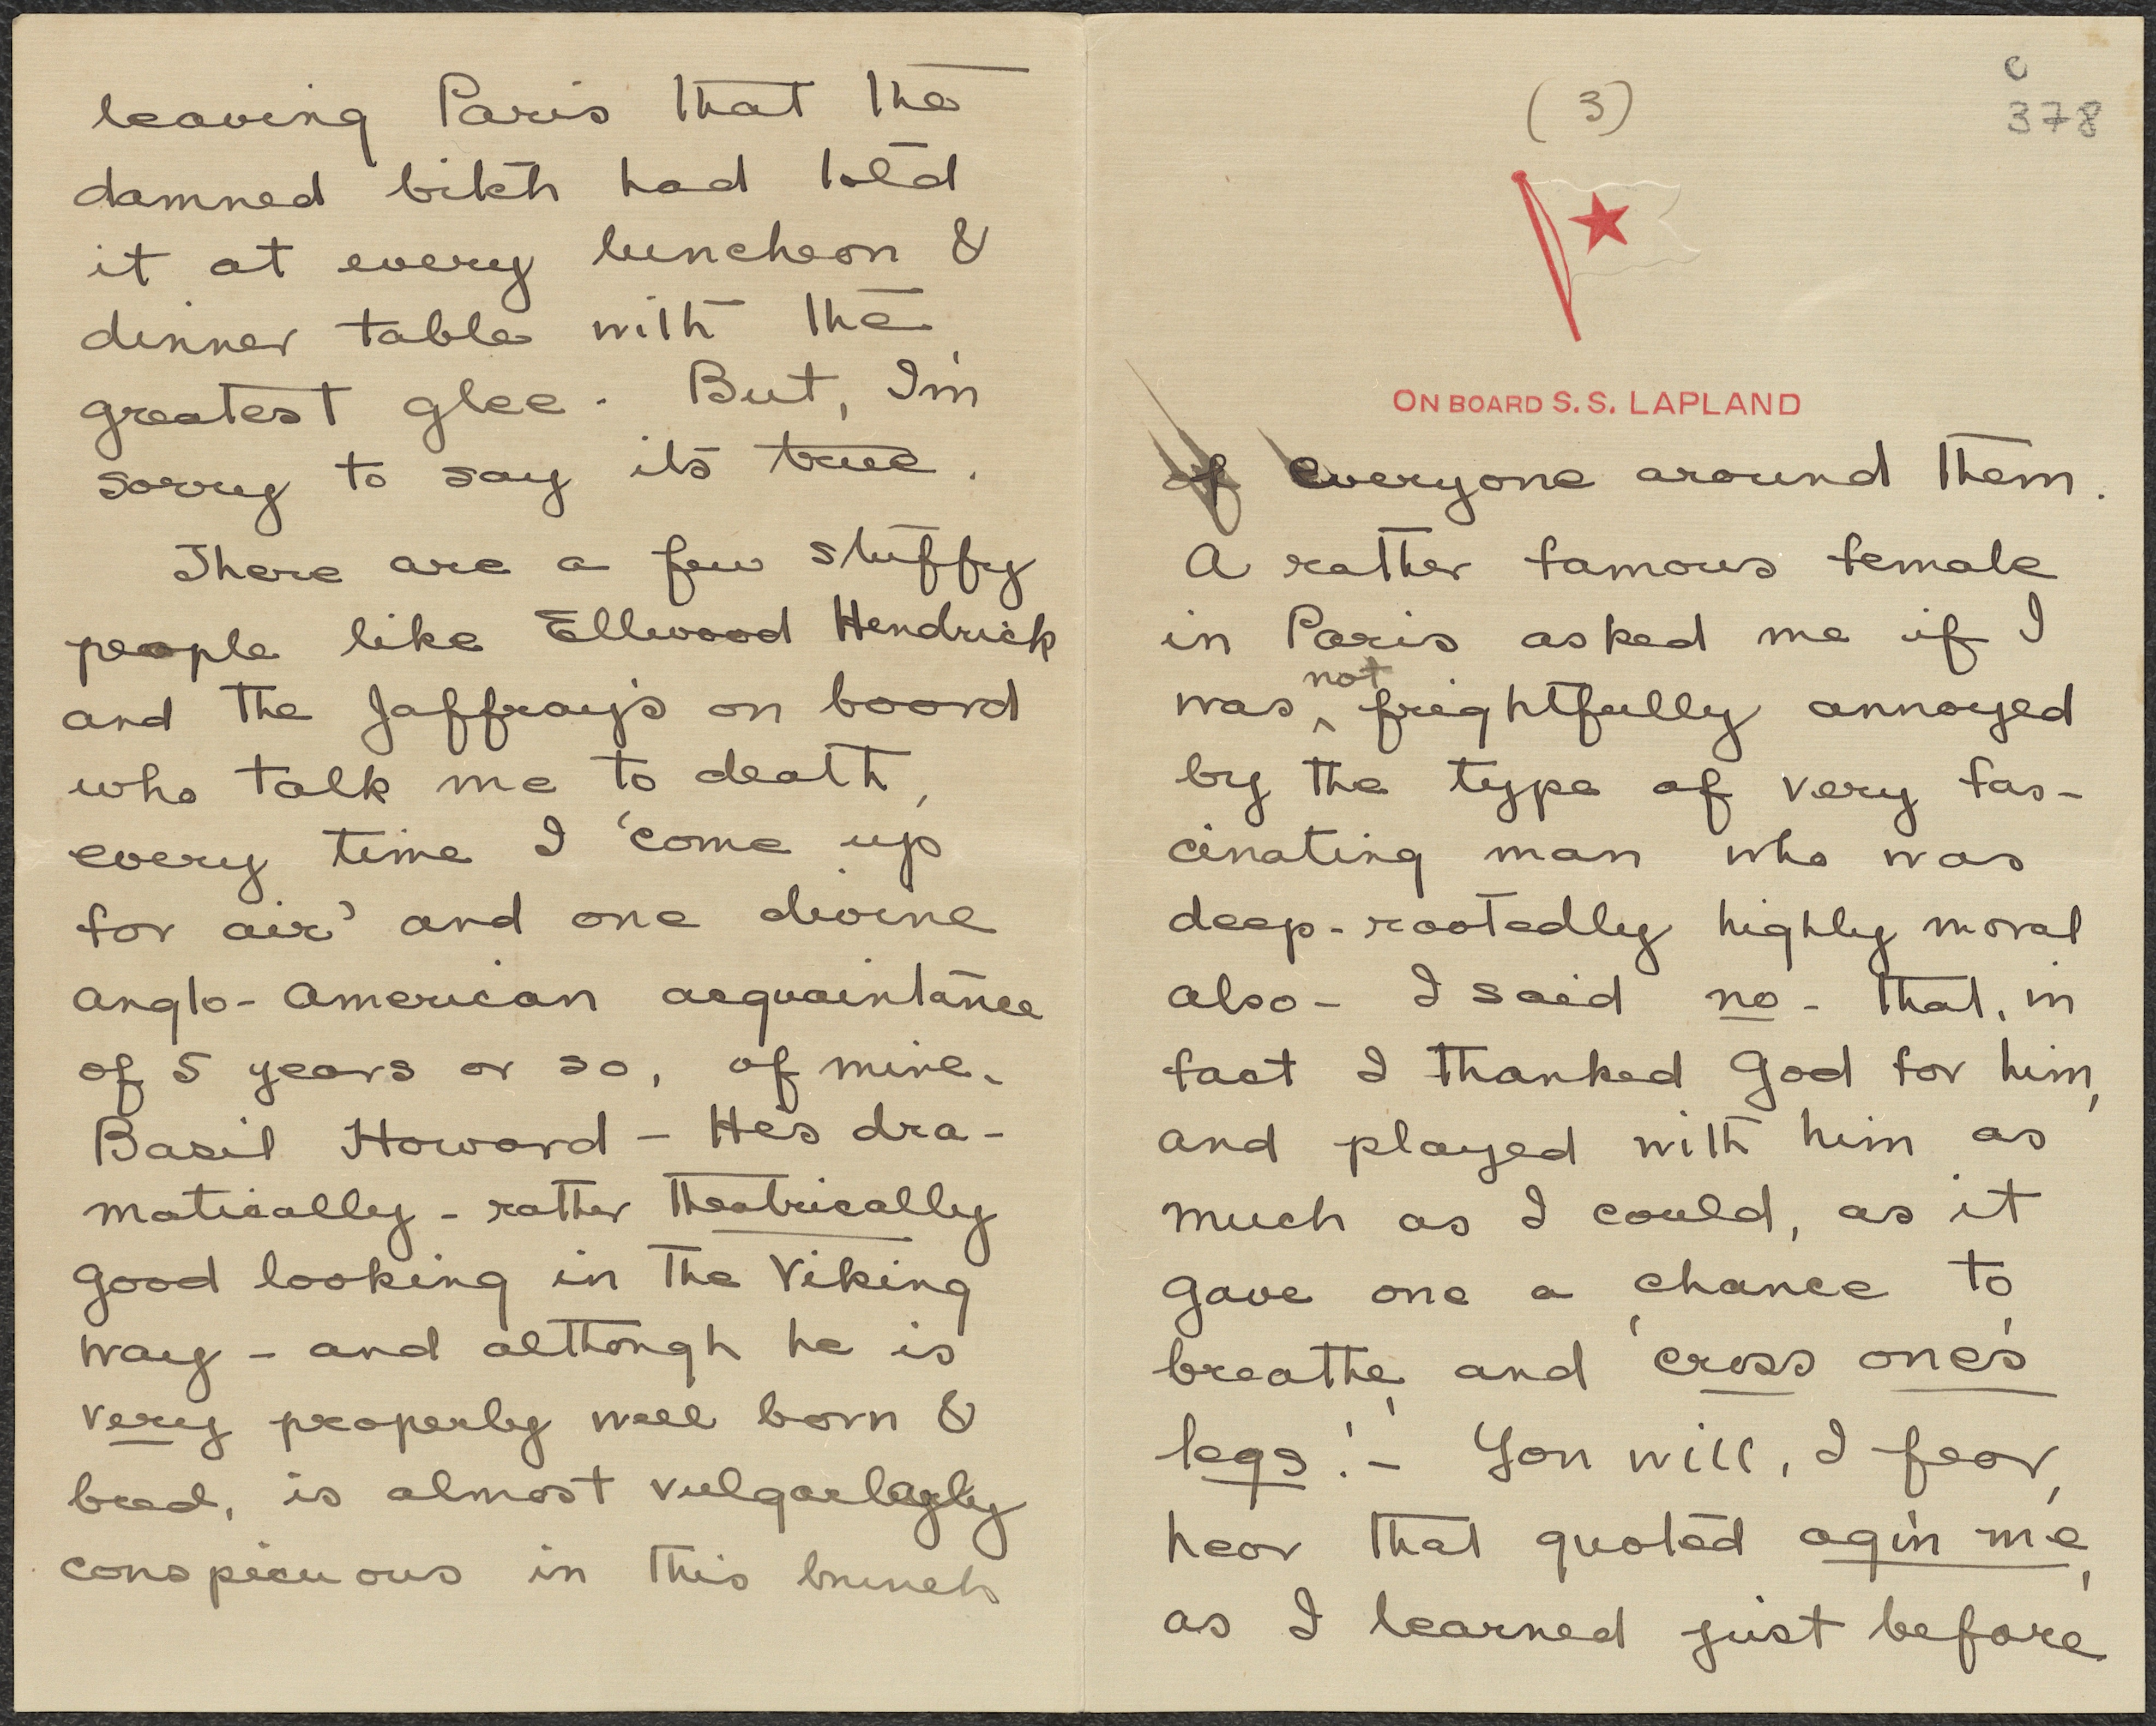(3)
of everyone around them. A rather famous female in Paris asked me if I was [^not^] frightfully annoyed by the type of very fascinating man who was deep-rootedly highly moral also – I said no – that, in fact I thanked God for him, and played with him as much as I could, as it gave one a chance to breathe and ‘cross one’s legs!’ – You will, I fear, hear that quoted agin me, as I learned just before
leaving Paris that the damned bitch had told it at every luncheon & dinner table with the greatest glee. But, I’m sorry to say it’s true.
There are a few stuffy people like Ellwood Hendrick and the Jaffray’s on board who talk me to death every time I ‘come up for air’ and one divine Anglo-American acquaintance of 5 years or so, of mine – Basil Howard – He’s dramatically, rather theatrically good looking in the Viking way – and although he is very properly well born & bred, is almost vulgarlyly [sic] conspicuous in this bunch